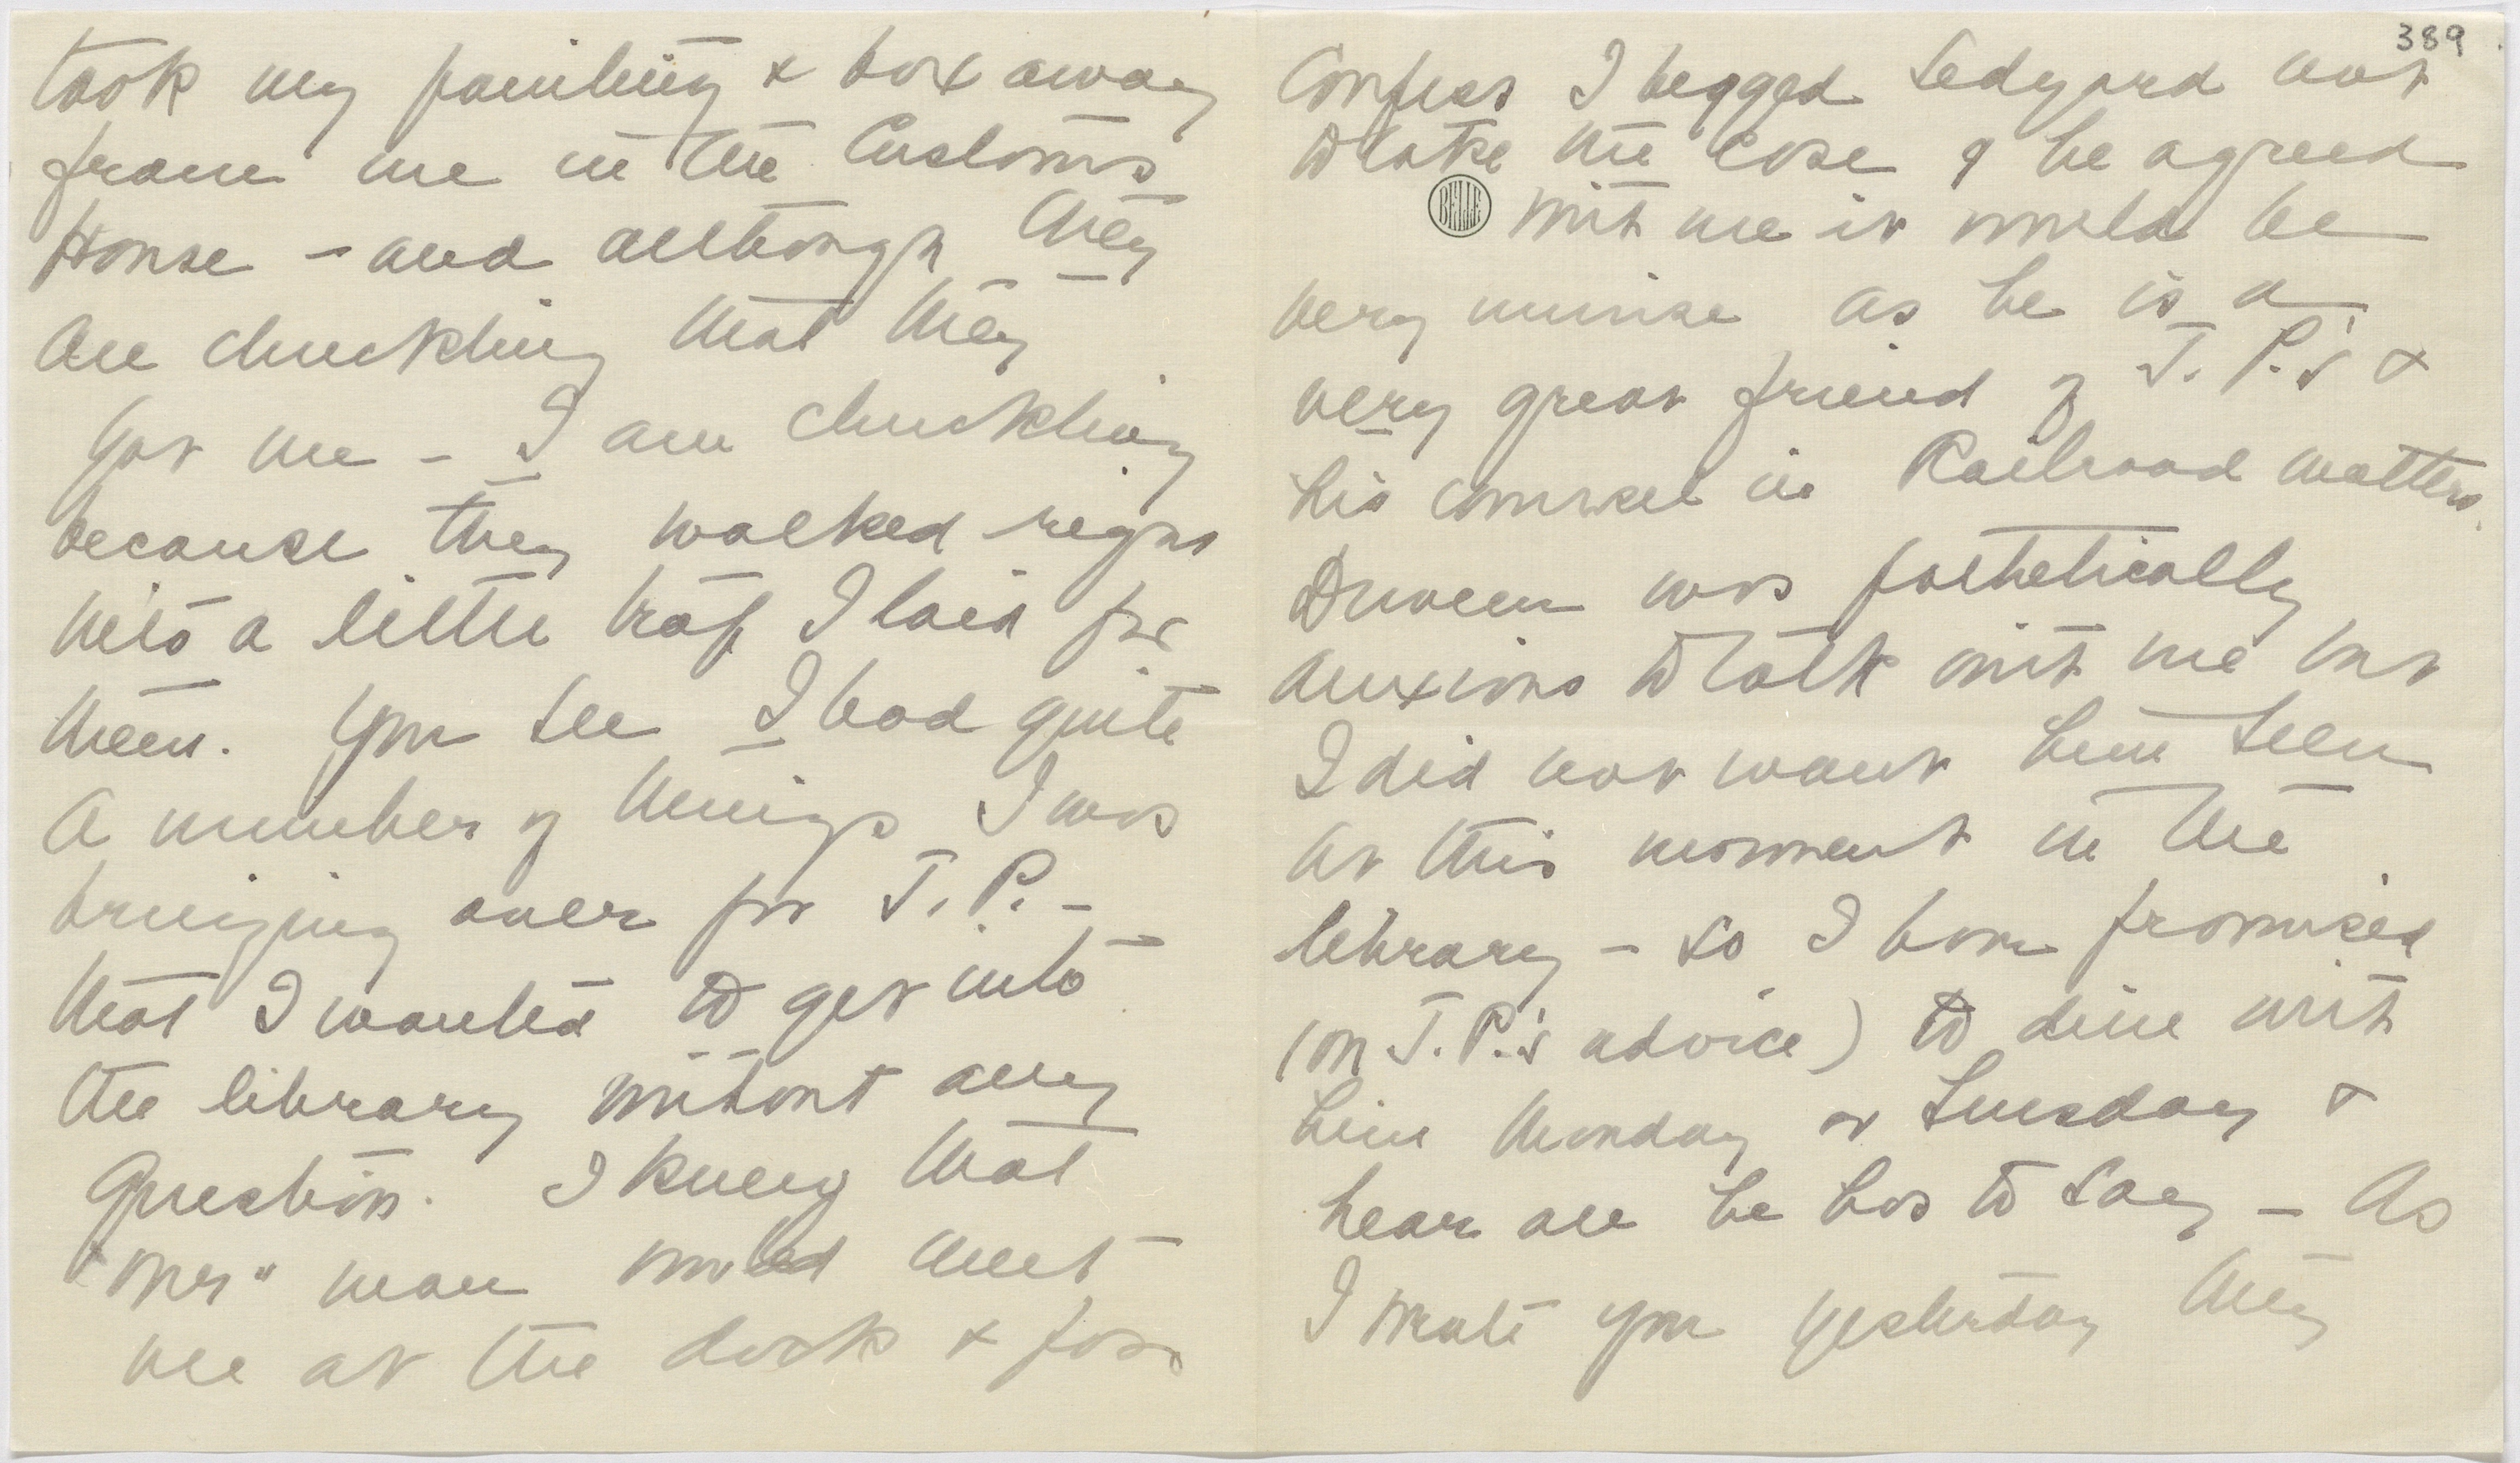confess I begged Ledyard not to take the case & he agreed with me it would be very unwise as he is a very great friend of J. P.’s & his counsel in Railroad matters. Duveen was pathetically anxious to talk with me but I did not want him seen at this moment in the library – so I have promised (on J. P.’s advice) to dine with him Monday or Tuesday & hear all he has to say – As I wrote you yesterday they
took my painting & box away from me in the Customs House – and although they are chuckling that they got me – I am chuckling because they walked right into a little trap I laid for them. You see I had quite a number of things I was bringing over for J. P. – that I wanted to get into the library without any question. I knew that “our” man would meet me at the desk & pass